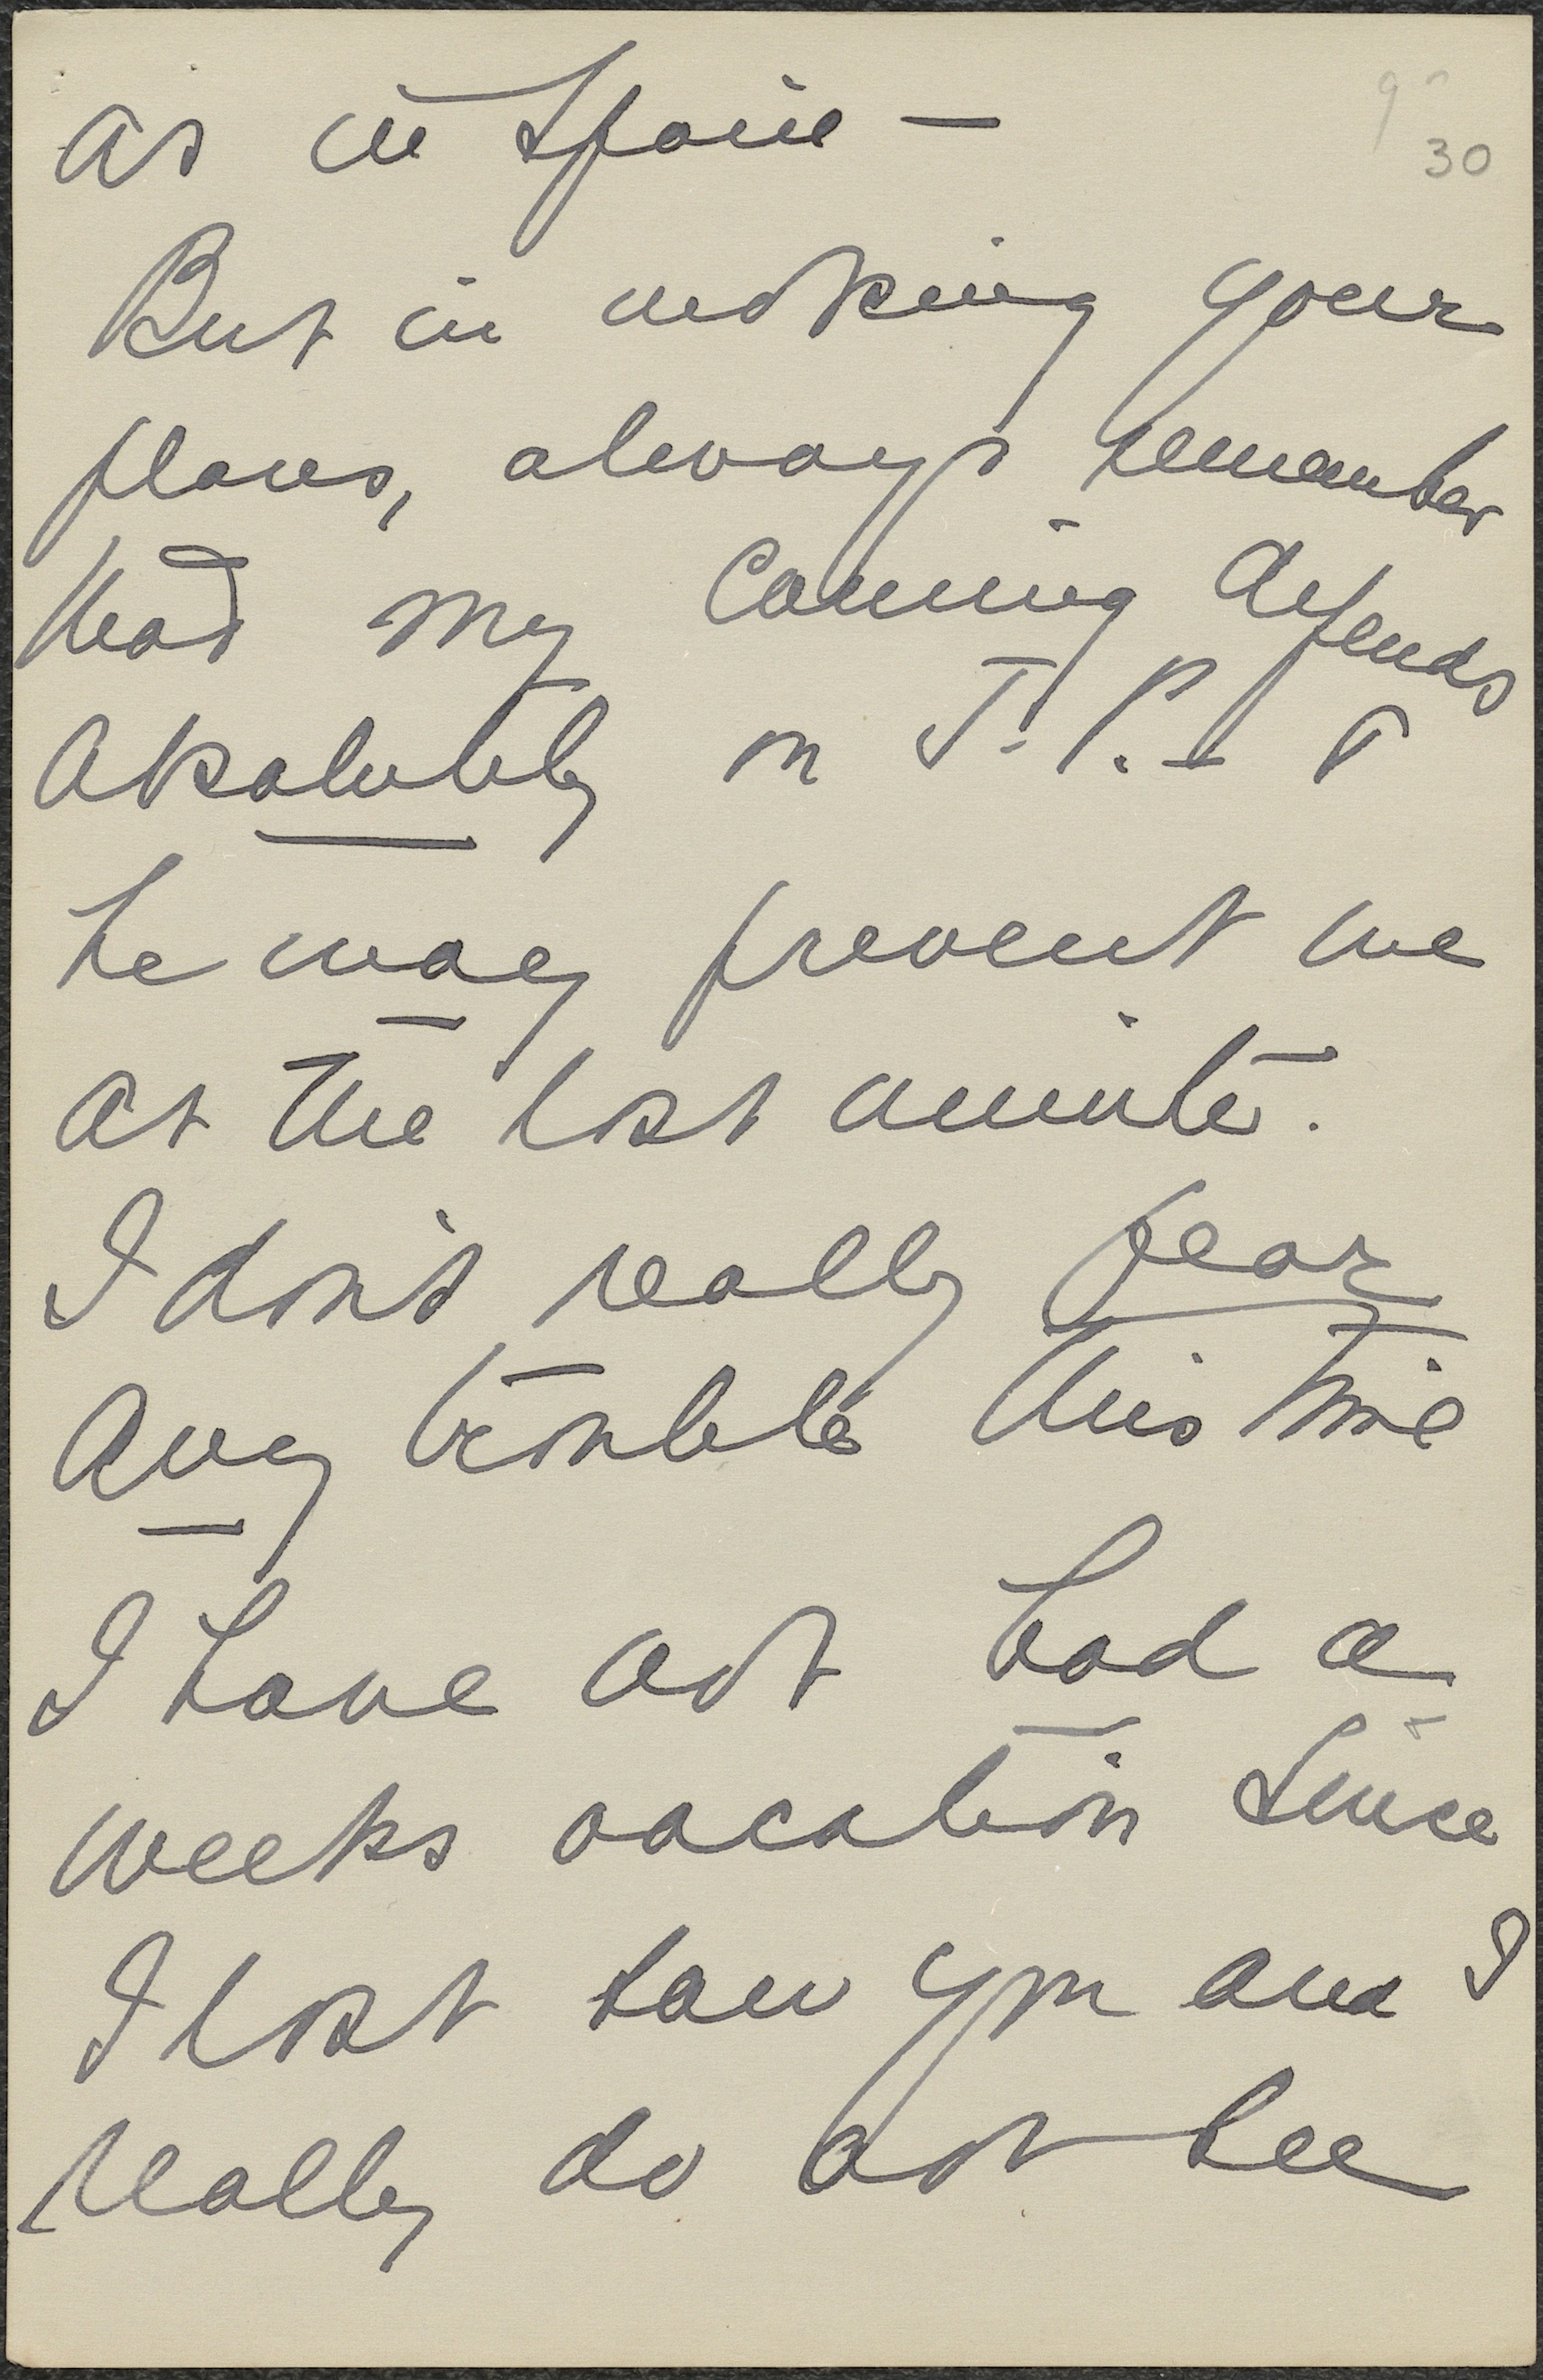as in Spain –
But in making your plans, always remember that my coming depends absolutely on J. P. – & he may prevent me at the last minute. I don’t really fear any trouble this time
I have not had a weeks vacation since I last saw you and I really do not see